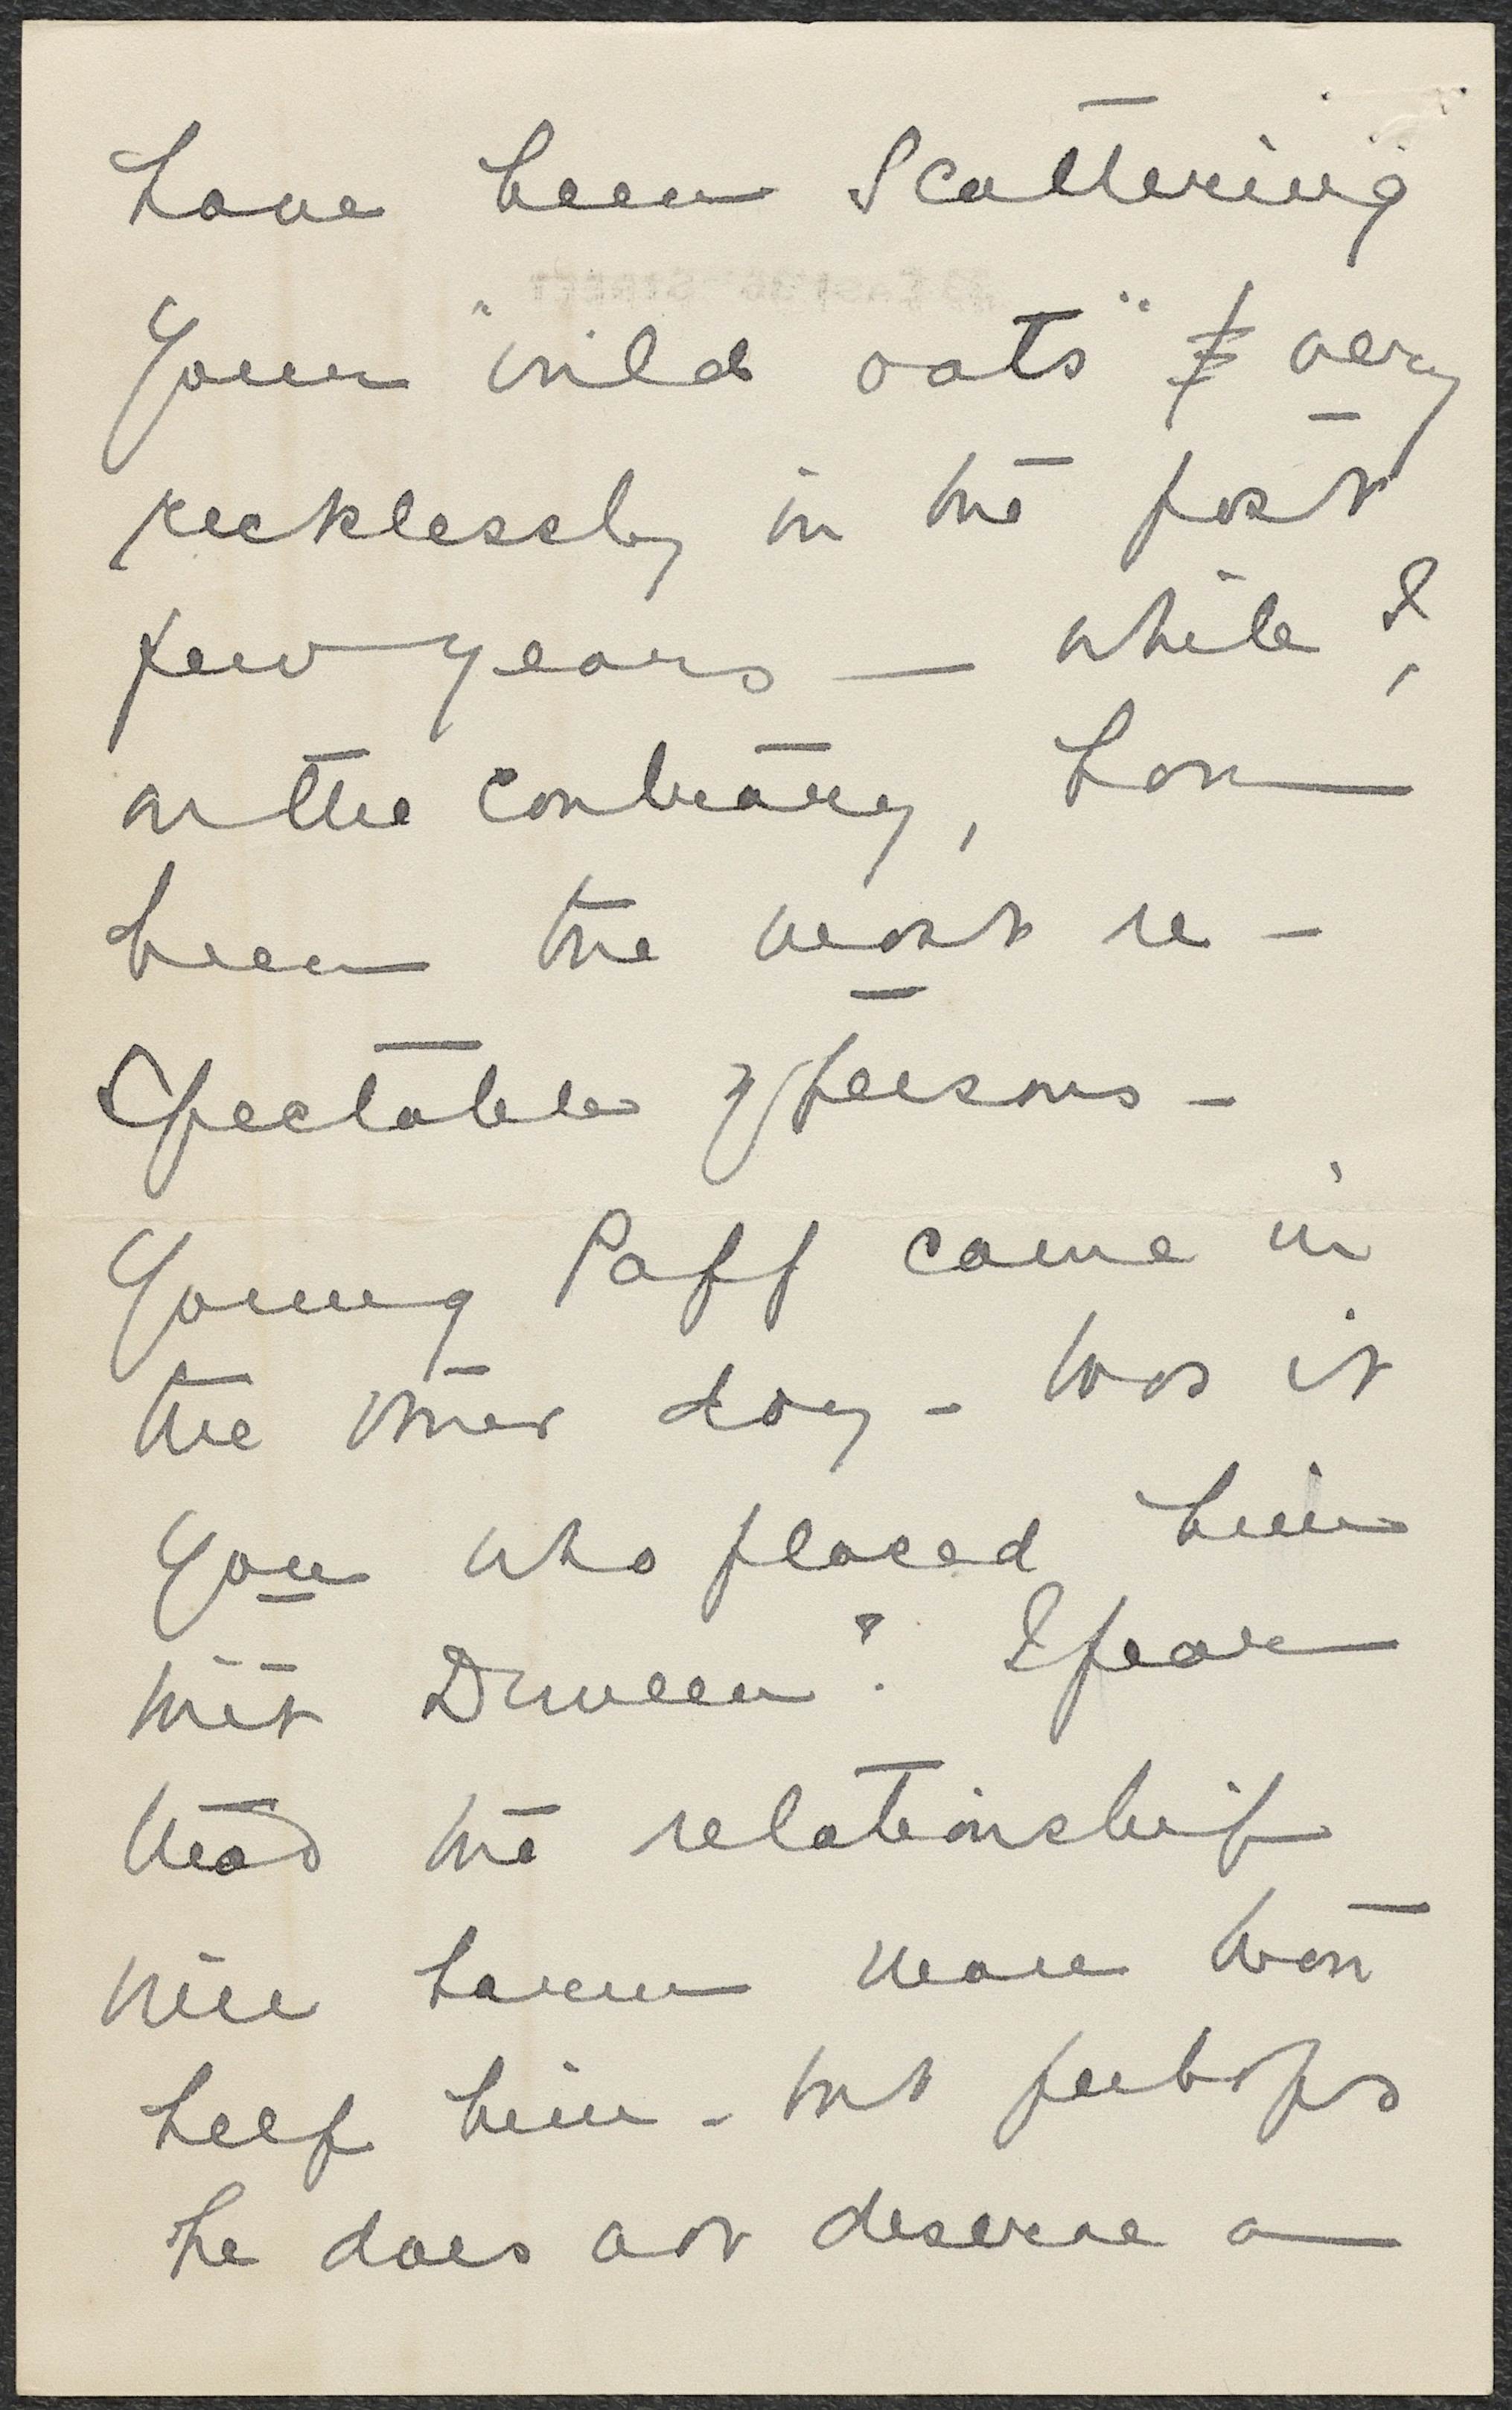very recklessly in the past few years – While I, on the contrary, have been the most respectable of persons –
Young Papp came in the other day – was it you who placed him with Duveen? I fear that the relationship will harm more than help him, but perhaps he does not deserve a